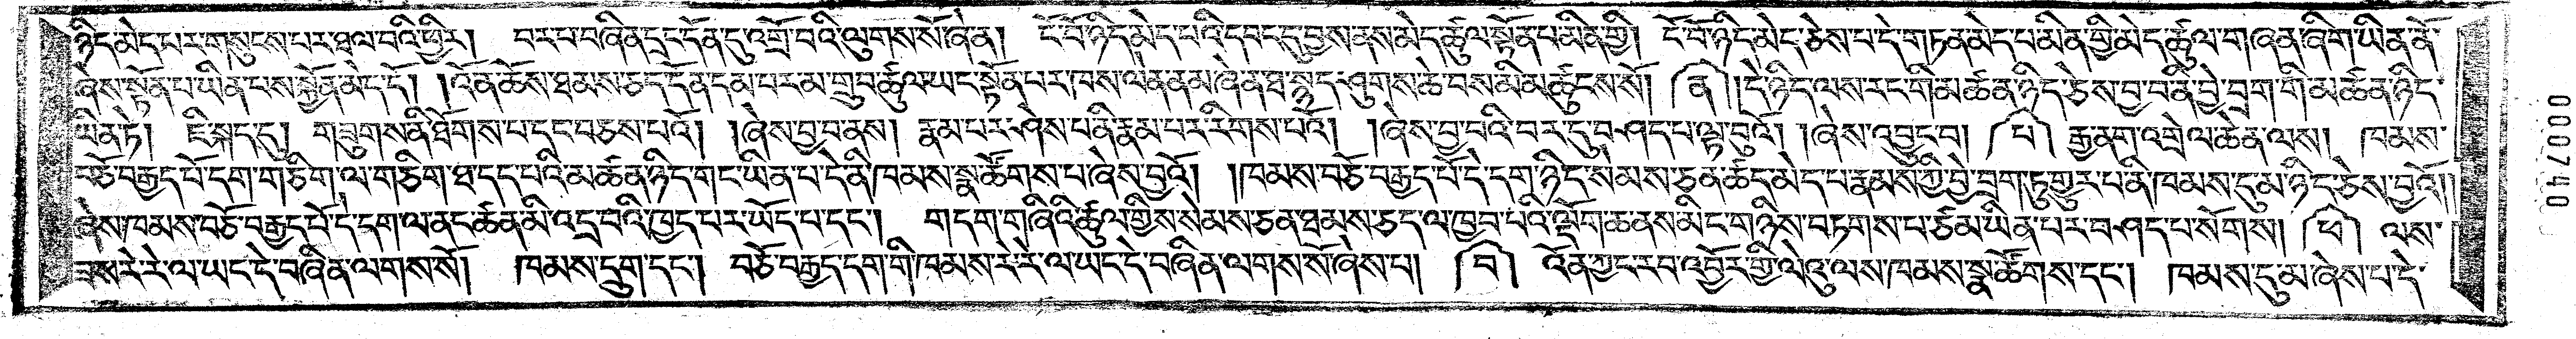ཉིད་མེད་པར་གསུངས་པར་ཐལ་བའི་ཕྱིར། བར་པ་བཞིན་དྲང་དོན་དུ་འགྲོ་བའི་ལུགས་སོ་ཞེ་ན། ངོ་བོ་ཉིད་མེད་པའི་དབང་དུ་བྱས་ནས་མེད་ཚུལ་སྟོན་པ་མིན་གྱི། ངོ་བོ་ཉིད་མེད་ཅེས་པ་དེ་གཏན་མེད་པ་མིན་གྱི་མེད་ཚུལ་གཞན་ཞིག་ཡིན་ནོ་
ཞེས་སྟོན་པ་ཡིན་པས་སྐྱོན་མེད་དོ། །འོ་ན་ཆོས་ཐམས་ཅད་དོན་དམ་པར་མ་གྲུབ་ཚུལ་ཡང་སྟོན་པར་ཁས་ལེན་ནམ་ཞེ་ན་ཐ་སྙད་ཤུགས་ཆེ་བས་མི་མཚུངས་སོ། ༼ན༽ །དེ་ཉིད་ལས་རང་གི་མཚན་ཉིད་ཅེས་བྱ་བ་ནི་བྱེ་བྲག་གི་མཚན་ཉིད་
ཡིན་ཏེ། ཇི་སྐད་དུ། གཟུགས་ནི་ཐོགས་པ་དང་བཅས་པའོ། །ཞེས་བྱ་བ་ནས། རྣམ་པར་ཤེས་པ་ནི་རྣམ་པར་རིགས་པའོ། །ཞེས་བྱ་བའི་བར་དུ་བཤད་པ་ལྟ་བུའོ། །ཞེས་འབྱུང་བ། ༼པ༽ རྒྱ་ནག་འགྲེལ་ཆེན་ལས། ཁམས་
བཅོ་བརྒྱད་པོ་དག་གཅིག་ལ་གཅིག་ཐ་དད་པའི་མཚན་ཉིད་གང་ཡིན་པ་དེ་ནི་ཁམས་སྣ་ཚོགས་པ་ཞེས་བྱའོ། །ཁམས་བཅོ་བརྒྱད་པོ་དེ་དག་ཉིད་སེམས་ཅན་ཚད་མེད་པ་རྣམས་ཀྱི་བྱེ་བྲག་ཏུ་གྱུར་པ་ནི་ཁམས་དུ་མ་ཉིད་ཅེས་བྱའོ། །
ཞེས་ཁམས་བཅོ་བརྒྱད་པོ་དེ་དག་ལ་ནང་ཚན་མི་འདྲ་བའི་ཁྱད་པར་ཡོད་པ་དང་། གདག་གཞིའི་ཚུལ་གྱིས་སེམས་ཅན་ཐམས་ཅད་ལ་ཁྱབ་པའི་ལྡོག་ཆ་ནས་མིང་གཉིས་བཏགས་པ་ཙམ་ཡིན་པར་བཤད་པ་སོགས། ༼ཕ༽ ལས་
ཟས་རེ་རེ་ལ་ཡང་དེ་བཞིན་ལགས་སོ། ཁམས་དྲུག་དང་། བཅོ་བརྒྱད་དག་གི་ཁམས་རེ་རེ་ལ་ཡང་དེ་བཞིན་ལགས་སོ་ཞེས་པ། ༼བ༽ འོན་ཀྱང་རབ་འབྱོར་གྱི་ལེའུ་ལས་ཁམས་སྣ་ཚོགས་དང་། ཁམས་དུ་མ་ཞེས་པ་དེ་